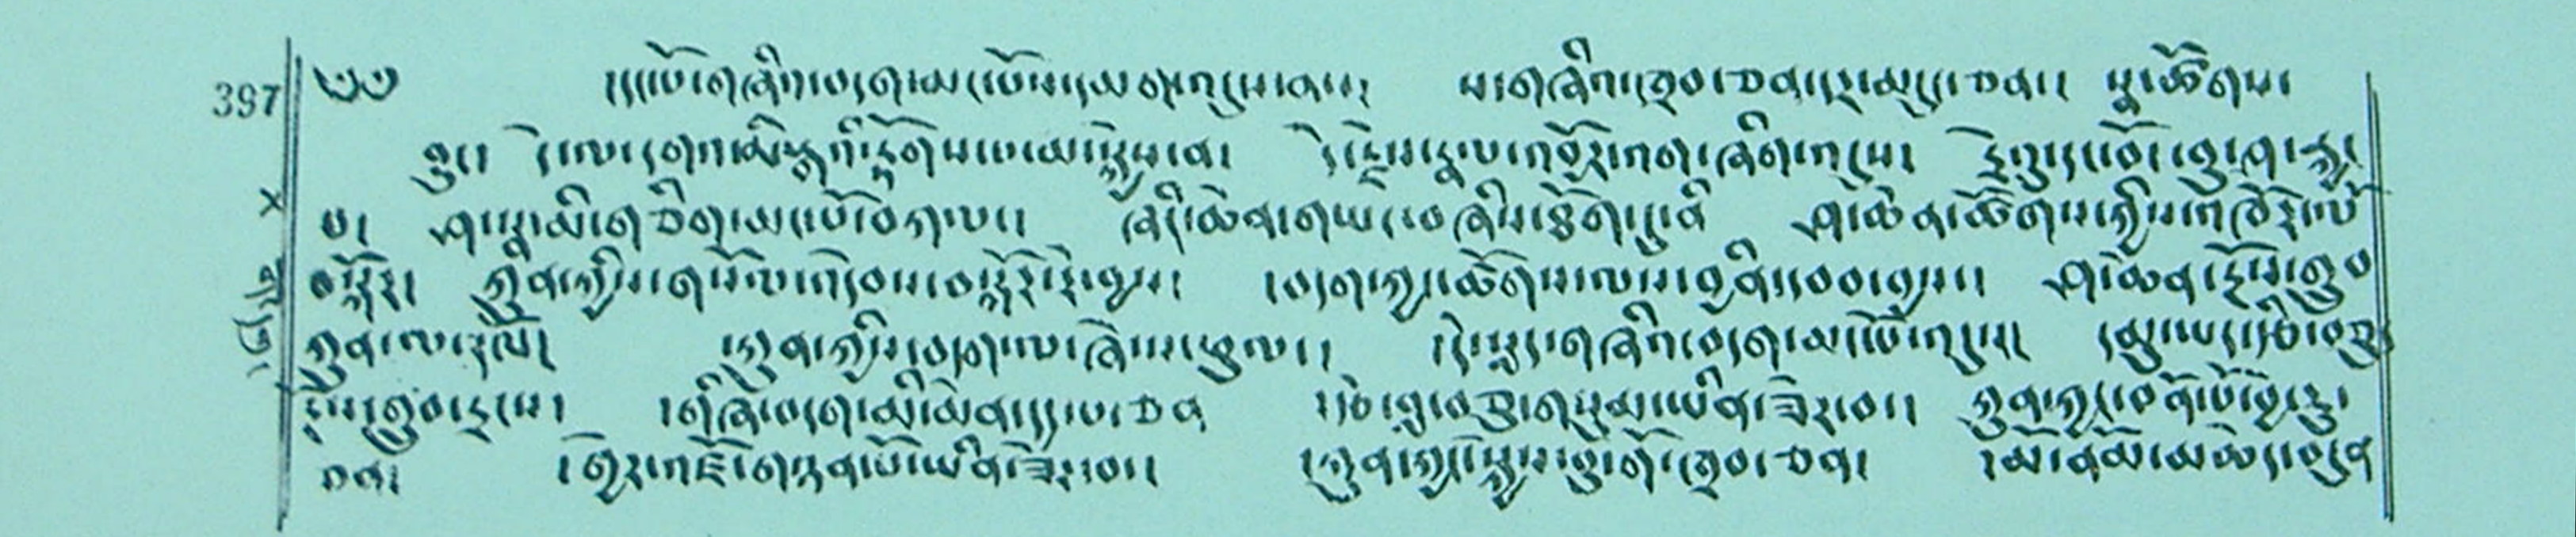༄༅། །དང་པོ་གཞི་བདག་མང་པོས་དམག་འདུས་ནས། ས་གཞིའ་ཁྲབ་ཅན་དར་མདུང་ཅན། སྣ་ཚོགས་
བྱུང་། དེ་ལ་དགའ་མི་རྒའི་རྟོགས་པ་མ་སྐྱེས་ན། དེ་རྗེས་རྣལ་འབྱོར་འགའ་ཞིག་འདུས། དྲེའུ་དང་བོང་བུ་ཤ་རྐྱང་
པ། ཤ་སྣ་མི་གཅིག་པ་མང་བོ་བཀལ་ནས་ནི། ཞིང་ཆེན་གཡང་གཞི་ཐོག་ཏུ་ནི། ཤ་ཆེན་ཚོགས་ཀྱིས་འཁོར་ལོ་
བསྐོར། ཀུན་ཀྱིས་གསོལ་འདེབས་བསྐོར་རེ་བྱས། བདག་ཀྱང་ཚོགས་ལས་བྱིན་དབབ་བྱས། ཤ་ཆེན་དངོས་གྲུབ་
ཀུན་ལ་རོལ། ཀུན་ཀྱིས་བདག་ལ་ཞེ་ས་ཕུལ། དེ་སླད་གཞིའ་བདག་མང་པོ་འདུས། དམུ་ཡད་རྩི་བཅུད་
དངོས་གྲུབ་དྲངས། གཞི་བདག་མི་མིན་དད་པ་ཅན། རྩེ་བླ་བཅུ་གསུམ་ཡིན་ཟེར་བ། ཀུན་ཀྱང་བོན་པོ་བྱ་རུ་
ཅན། གྱེར་འཛོ་གཉན་པོ་ཡིན་ཟེར་བ། ཀུན་ཀྱང་སྐྱེས་བུ་གོ་ཁྲབ་ཅན། མོ་ནོམ་མཆེད་བདུན་